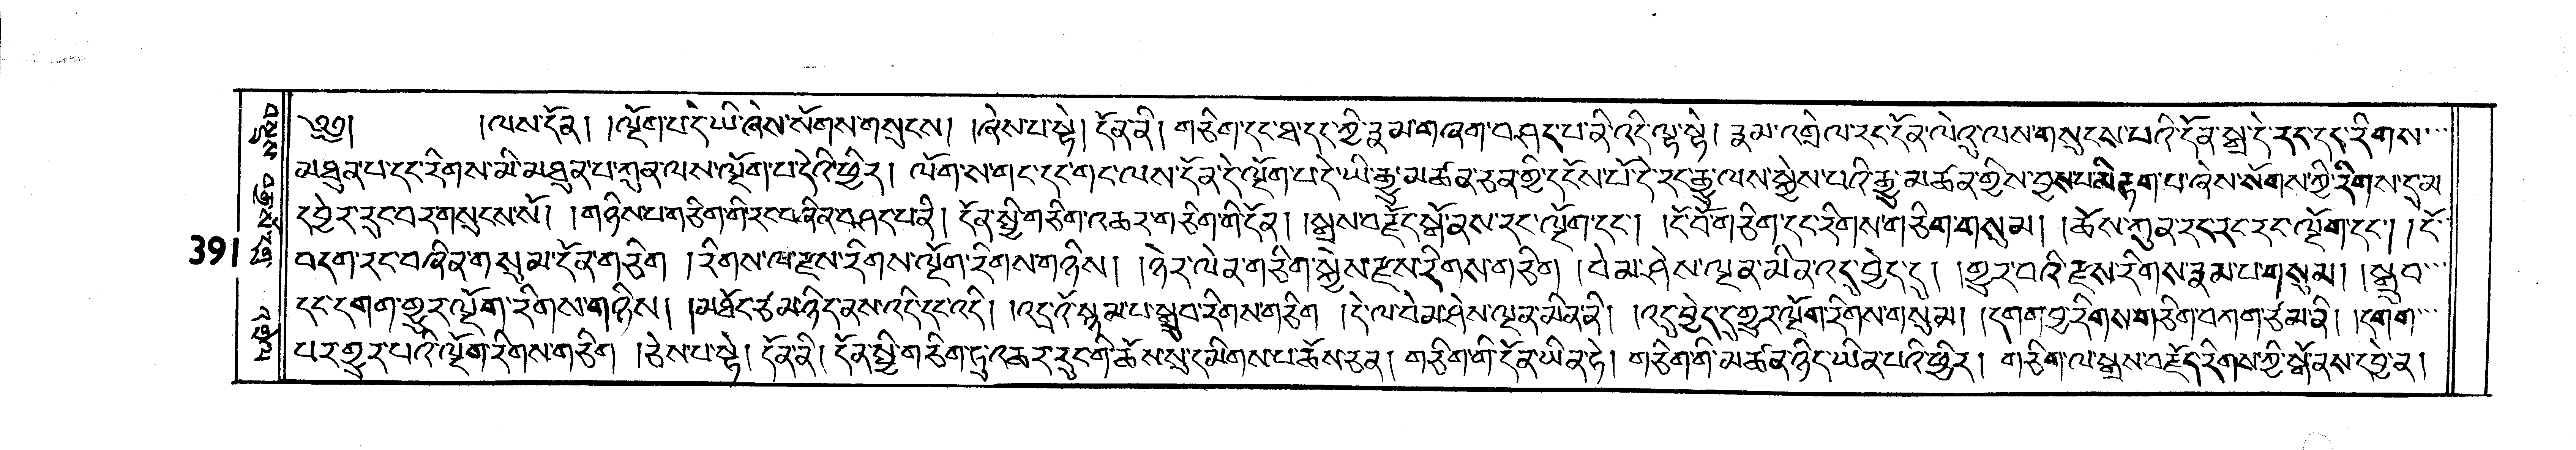༄༅། །ལས་དོན། །ལྡོག་པ་དེ་ཡི་ཞེས་སོགས་གསུངས། །ཞེས་པ་སྟེ། དོན་ནི། གཅིག་དང་ཐ་དང་ཀྱི་རྣམ་གཞག་བཤད་པ་ནི་འདི་ལྟ་སྟེ། རྣམ་འགྲེལ་རང་དོན་ལེའུ་ལས་གསུངས་པའི་དོན་སྒྲ་དེ་རང་དང་རིགས་
མཐུན་པ་དང་རིགས་མི་མཐུན་པ་ཀུན་ལས་ལྡོག་པ་དེའི་ཕྱིར། ལོག་ས་དང་གང་ལས་དོན་དེ་ལྡོག་པ་དེ་ཡི་རྒྱུ་མཚན་ཅན་གྱི་དངོ་སྤོ་དེ་རང་རྒྱུ་ལས་སྐྱེས་པའི་རྒྱུ་མཚན་གྱི་བྱས་པ་མི་རྟག་པ་ཞེས་སོགས་ཀྱི་རིགས་དུམ་
དབྱེར་རུང་བར་གསུངས་སོ། །གཉིས་པ་གཅིག་གི་རང་བཞིན་བཤད་པ་ནི། དོན་སྦྱི་གཅིག་འཆར་གཅིག་གི་དོན། །སྒྲས་བརྗོད་སྒོ་ནས་དང་ལྡོག་དང་། །ངོ་བོ་གཅིག་དང་རིགས་གཅིག་གསུམ། །ཆོས་ཀུན་རང་རང་རང་ལྡོག་དང་། །ངོ་
བདག་རང་བཞིན་གསུམ་དོན་གཅིག །རིགས་ལ་རྫས་རིགས་ལྡོག་རིགས་གཉིས། །ཉེར་ལེན་གཅིག་སྐྱེས་རྫས་རིགས་གཅིག །བེམ་ཤེས་ལྡན་མིན་འདུ་བྱེད་དུ། །གྱུར་པའི་རྫས་རིགས་རྣམ་པ་གསུམ། །སྒྲུབ་
དང་དགག་གྱུར་ལྡོག་རིགས་གཉིས། །མཐོང་ཙམ་ཉིད་ནས་འདི་དང་འདི། །འདྲའི་སྙམ་པ་སྒྲུབ་རིགས་གཅིག །དེ་ལ་བེམ་ཤེས་མིན་ནི། །འདུ་བྱེད་དུ་གྱུར་ལྡོག་རིགས་གསུམ། །དགག་བྱ་རིགས་གཅིག་བཀག་ཙམ་ནི། །དགག་
པར་གྱུར་པའི་ལྡོག་རིགས་གཅིག །ཅེས་པ་སྟེ། དོན་ནི། དོན་སྦྱི་གཅིག་ཏུ་འཆེར་རུང་གི་ཆོས་སུ་དམིགས་པ་ཆོས་ཅན། གཅིག་གི་དོན་ཡིན་ཏེ། གཅིག་གི་མཚན་ཉིད་ཡིན་པའི་ཕྱིར། གཅིག་ལ་སྒས་བརྗོད་རིགས་ཀྱི་སྒོ་ནས་དབྱེ་ན།